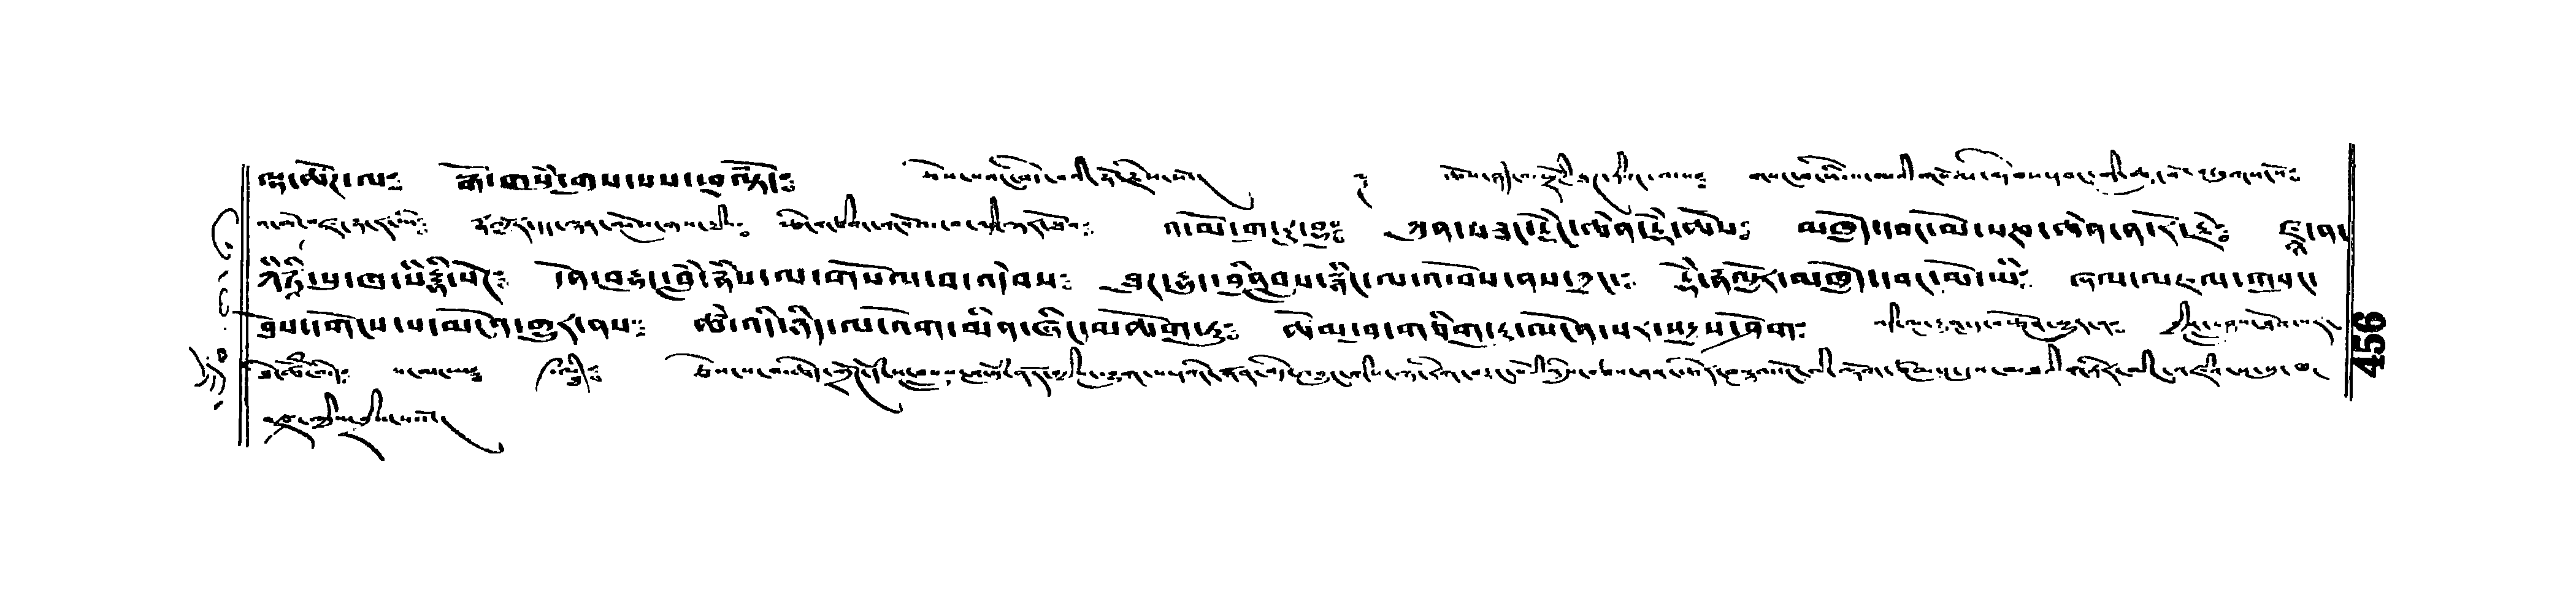ལྷ་ཚོགས་ལ༔ སྒོ་གསུམ་གུས་པས་ཕྱག་འཚལ་བསྟོད༔ ཅེས་པའང་བདེ་བའི་རྡོ་རྗེས་སོ།། ༈ ཆོས་ཉིད་མཁའ་འགྲོའི་ཐུགས་ཏིག་ལས༔ གསང་བ་ཡེ་ཤེས་མའི་གསོལ་འདེབས་དབང་གི་ཆུ་བོ་བཞུགས་སོ༔ 
ན་མོ་བཛྲ་དྷ་ར་ཡེ༔ རྣལ་འབྱོར་དད་ལྡན་མོས་གུས་ཀྱིས༔ རྩེ་གཅིག་གསོལ་བ་འདི་ལྟར་ཐོབ༔ ན་མོ་གུ་རུ་བྷྱ༔ ཀུན་བཟང་རྡོ་རྗེ་འཆང་ཆེན་རྡོ་རྗེ་ཆོས༔ མཁའ་སྤྱོད་དབང་མོ་པཎ་ཆེན་ན་རོ་རྗེ༔ ཛྙཱ་ན་
ཀིརྟཱི་སུ་ཁ་སིདྡྷི་སོགས༔ དོན་བརྒྱུད་བླ་མ་རྣམས་ལ་གསོལ་བ་འདེབས༔ ཐུགས་རྒྱུད་བྱིན་རླབས་སྙིང་ལ་འཕོས་ནས་ཀྱང༔ རྡོ་རྗེ་རྣལ་འབྱོར་མཁའ་སྤྱོད་དབང་མོ་ཡི༔ ཞལ་མཇལ་གསུང་
ཐོས་དགོངས་པ་མངོན་གྱུར་ནས༔ ཚེ་འདི་ཉིད་ལ་འོག་མིན་ཞིང་མཆོག་ཏུ༔ ཚོམ་བུ་གཅིག་ཏུ་མངོན་པར་སངས་རྒྱས་ཤོག༔ འདི་ལ་རྒྱུན་དུ་བརྩོན་གྱུར་ན༔ བྱིན་རླབས་འཐོབ་པར་
ཐེ་ཚོམ་མེད༔ ས་མ་ཡ༔ ༔ ཅེས་པ་མཆེད་གྲོགས་དམ་པ་བསླབ་གསུམ་ནོར་གྱིས་ཕྱུག་པ་དགེ་རྒན་བདེ་འབྱུང་གིས་ལྷ་རེག་བཟང་པོའི་སྐྱེས་བཅས་ནན་ཆེར་བསྐུལ་ངོ་མ་ལྡོག་ཙམ་དུ་དུས་མཐའི་གཏེར་མིང་འཛིན་པ་སུ་ཁ་
བཛྲ་གྱིས་བྲིས་པའོ།།